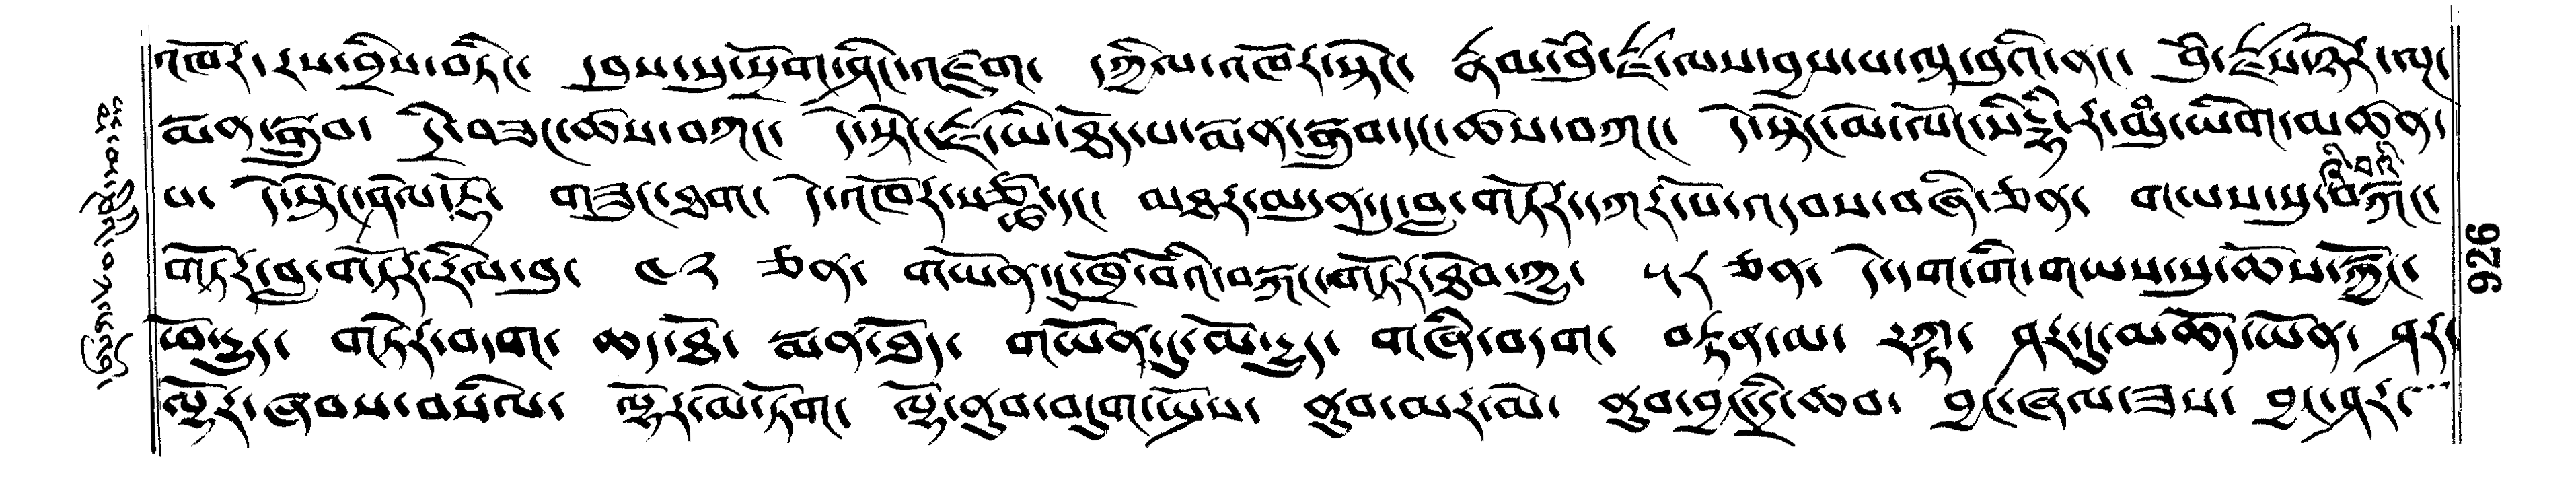འཁོར་རས་བྲིས་བཏིང་། དབུས་སུ་སྲོག་ཤིང་འཛུག དཀྱིལ་འཁོར་སྟེང་རྣམ་བུམ་རྫ་ལས་བྱས་པ་ལྟ་བུའི་ནང་། བུམ་རྫས་ཉེར་ལྔ། 
སྨན་སྒྲུབ། དྲི་བཟང་ཚྭས་བཀང་། དེ་སྟེང་རྫ་ཡི་ཐོད་པ་སྨན་སྒྲུབ་དང་ཚྭས་བཀང་། དེ་སྟེང་མེ་ལོང་སིནྡྷུ་ར་མུཾ་ཡིག་གིས་མཚན་
པ། དེ་སྟེང་ཤེལ་རྡོ། གཟུངས་ཐག དེ་འཁོར་སཙྪ་དང་། མཐར་མདུན་དུ་བླ་གཏོར་དཀར་པོ་འདབ་བཞི་ཅན། གཡས་སུ་ཞི་བའི་བསྐང་
གཏོར་བླ་གཏོར་རིལ་བུ་ཞེ་གཉིས་ཅན། གཡོན་དུ་ཁྲོ་བོའི་བསྐང་གཏོར་མཐེབ་སྐྱུ་ང་བརྒྱད་ཅན། དེ་དག་གི་གཡས་སུ་ཆོས་སྐྱོང་
ཕོ་རྒྱུད། གཏེར་བདག ཆད་ཐོ། སྨན་ཐོད། གཡོན་དུ་མོ་རྒྱུད། གཞི་བདག བརྟན་མ། རཀྟ། ཤར་དུ་མཆོད་ཡོན། ཤར་
ལྷོར་ཞབས་བསིལ། ལྷོར་མེ་ཏོག ལྷོ་ནུབ་བདུག་སྤོས། ནུབ་མར་མེ། ནུབ་བྱང་དྲི་ཆབ། བྱང་ཞལ་ཟས། བྱང་ཤར་